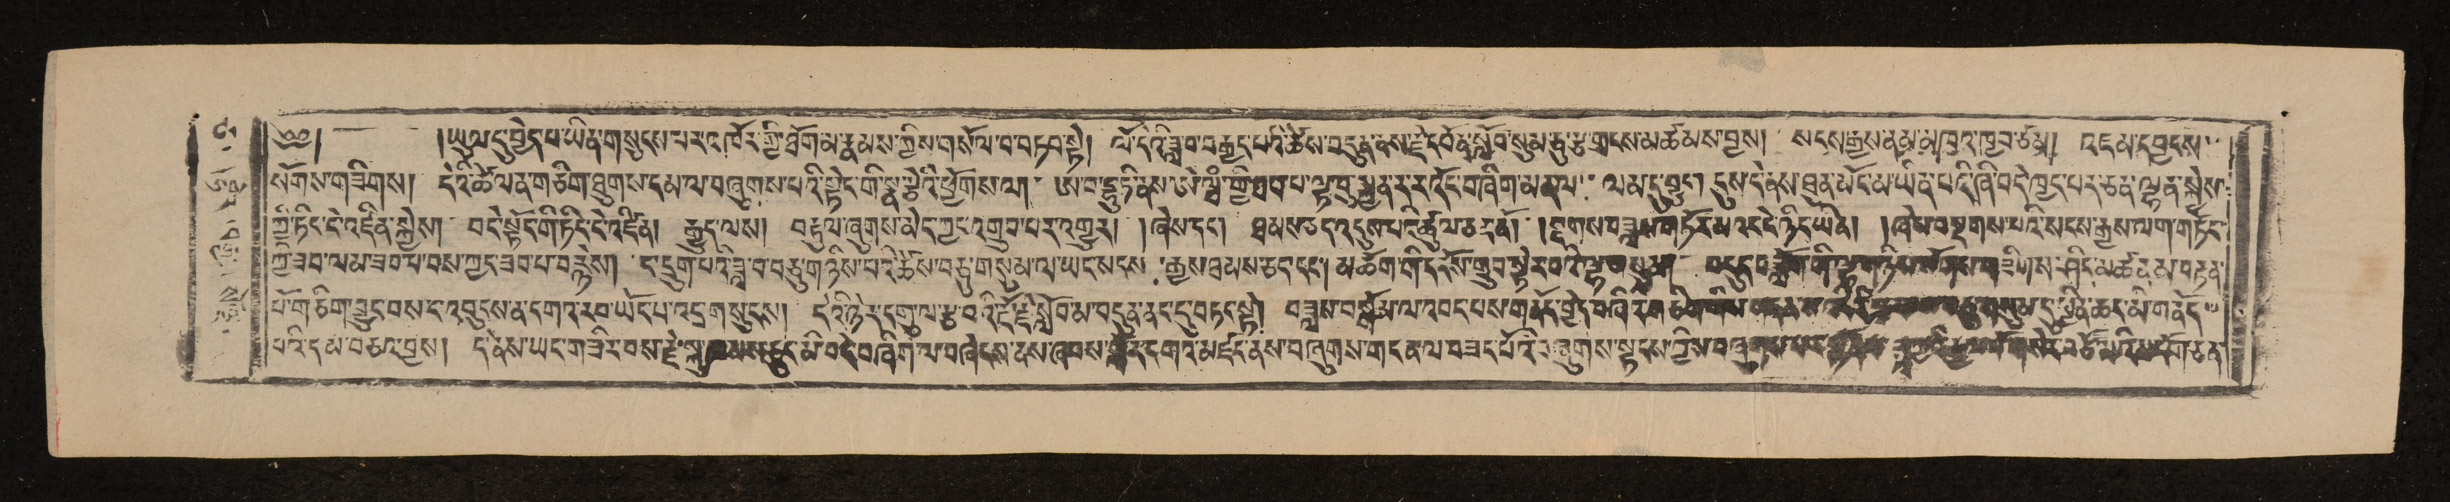༄༅། །ཡུལ་དུ་བྱེད་པ་ཡིན་གསུངས་བར་འཁོར་གྱི་ཐོག་མ་རྣམས་ཀྱིས་གསོལ་བ་བཏབ་སྟེ། ལོ་དེའི་ཟླ་བ་བརྒྱད་པའི་ཚེས་བདུན་ནས་རྗེ་དཔོན་སློབ་སུམ་ཅུ་རྩ་གྲངས་མཚམས་བྱས། སངས་རྒྱས་ནམ་མཁའ་ཁྱབ་ཙམ། འཇམ་དབྱངས་
སོགས་གཟིགས། དེའི་ཚེ་ལན་གཅིག་ཐུགས་དམ་ལ་བཞུགས་པའི་སྟེང་གི་སྣ་རྩེའི་ཕྱོགས་ལ། ཨ་བ་དྷུ་ཏི་ནས་ཨེ་ཝཾ་གྱི་ཐག་པ་ལྟ་བུ་སྐྱན་ར་ར་འོང་བ་ཞིག་མནལ་ལམ་དུ་བྱུང་། དུས་དེ་ནས་ཐུན་མོང་མ་ཡིན་པའི་ཞི་བདེ་ཁྱད་པར་ཅན་ལྷན་སྐྱེས་
ཀྱི་ཏིང་ངེ་འཛིན་སྐྱེས། བདེ་སྟོང་གི་ཏིང་ངེ་འཛིན། རྒྱུད་ལས། བརྟུལ་ཞུགས་མེད་ཀྱང་འགྲུབ་པར་འགྱུར། །ཞེས་དང་། ཐམས་ཅད་འདུས་པའི་ཚུལ་ཅན་ནོ། །སྔགས་བཟླས་གཏོར་མའང་དེ་ཉིད་ཡིན། །ཞེས་བསྔགས་པའི་སངས་རྒྱས་ལག་གཏོང་
ཀྱི་ཟབ་ལམ་ཟབ་པ་བས་ཀྱང་ཟབ་པ་བརྙེས། ང་དྲུག་པའི་ཟླ་བ་བཅུ་གཉིས་པའི་ཚེས་བཅུ་གསུམ་ལ་ཡང་སངས་རྒྱས་ཐམས་ཅད་དང་། མཆོག་གི་དངོས་གྲུབ་སྟེར་བའི་ལྷ་གསུམ། བདུད་བཟློག་གི་ལྷ་གཉིས་སོགས་གཟིགས་ཤིང་མཚན་མ་བརྟན་
པོ་གཅིག་བྱུང་བས་ད་འབུངས་ན་དགའ་རབ་ཡོང་བ་འདྲ་གསུངས། དེའི་ཉེར་དགུ་ལ་རྩ་བའི་རྡོ་རྗེ་སློབ་མ་བདུན་ནང་དུ་བཏང་སྟེ། བཟླས་བསྒོམ་ལ་འབད་པས་གནོད་བྱེད་བཞིའི་གཅིག་གིས་གདན་ས་འདིའི་བླ་རབས་བཅུ་གསུམ་དུ་ཕྱིན་ཆད་མི་གནོད་
པའི་དམ་བཅའ་བྱས། དེ་ནས་ཡང་གཟིར་བས་རྗེ་སྐུ་ཁམས་ཅུང་མི་བདེ་བ་ཞིག་ལ་བཞེངས་ནས་ཞབས་སྐོར་འགའ་མཛད་ནས་བཞུགས་གདན་ལ་བཟང་པོའི་བཞུགས་སྟངས་ཀྱིས་བཞུགས་པར་སྟོན་པ་ཤཱཀྱའི་རྒྱལ་པོ་གསེར་བཙོ་མའི་མདོག་ཅན་